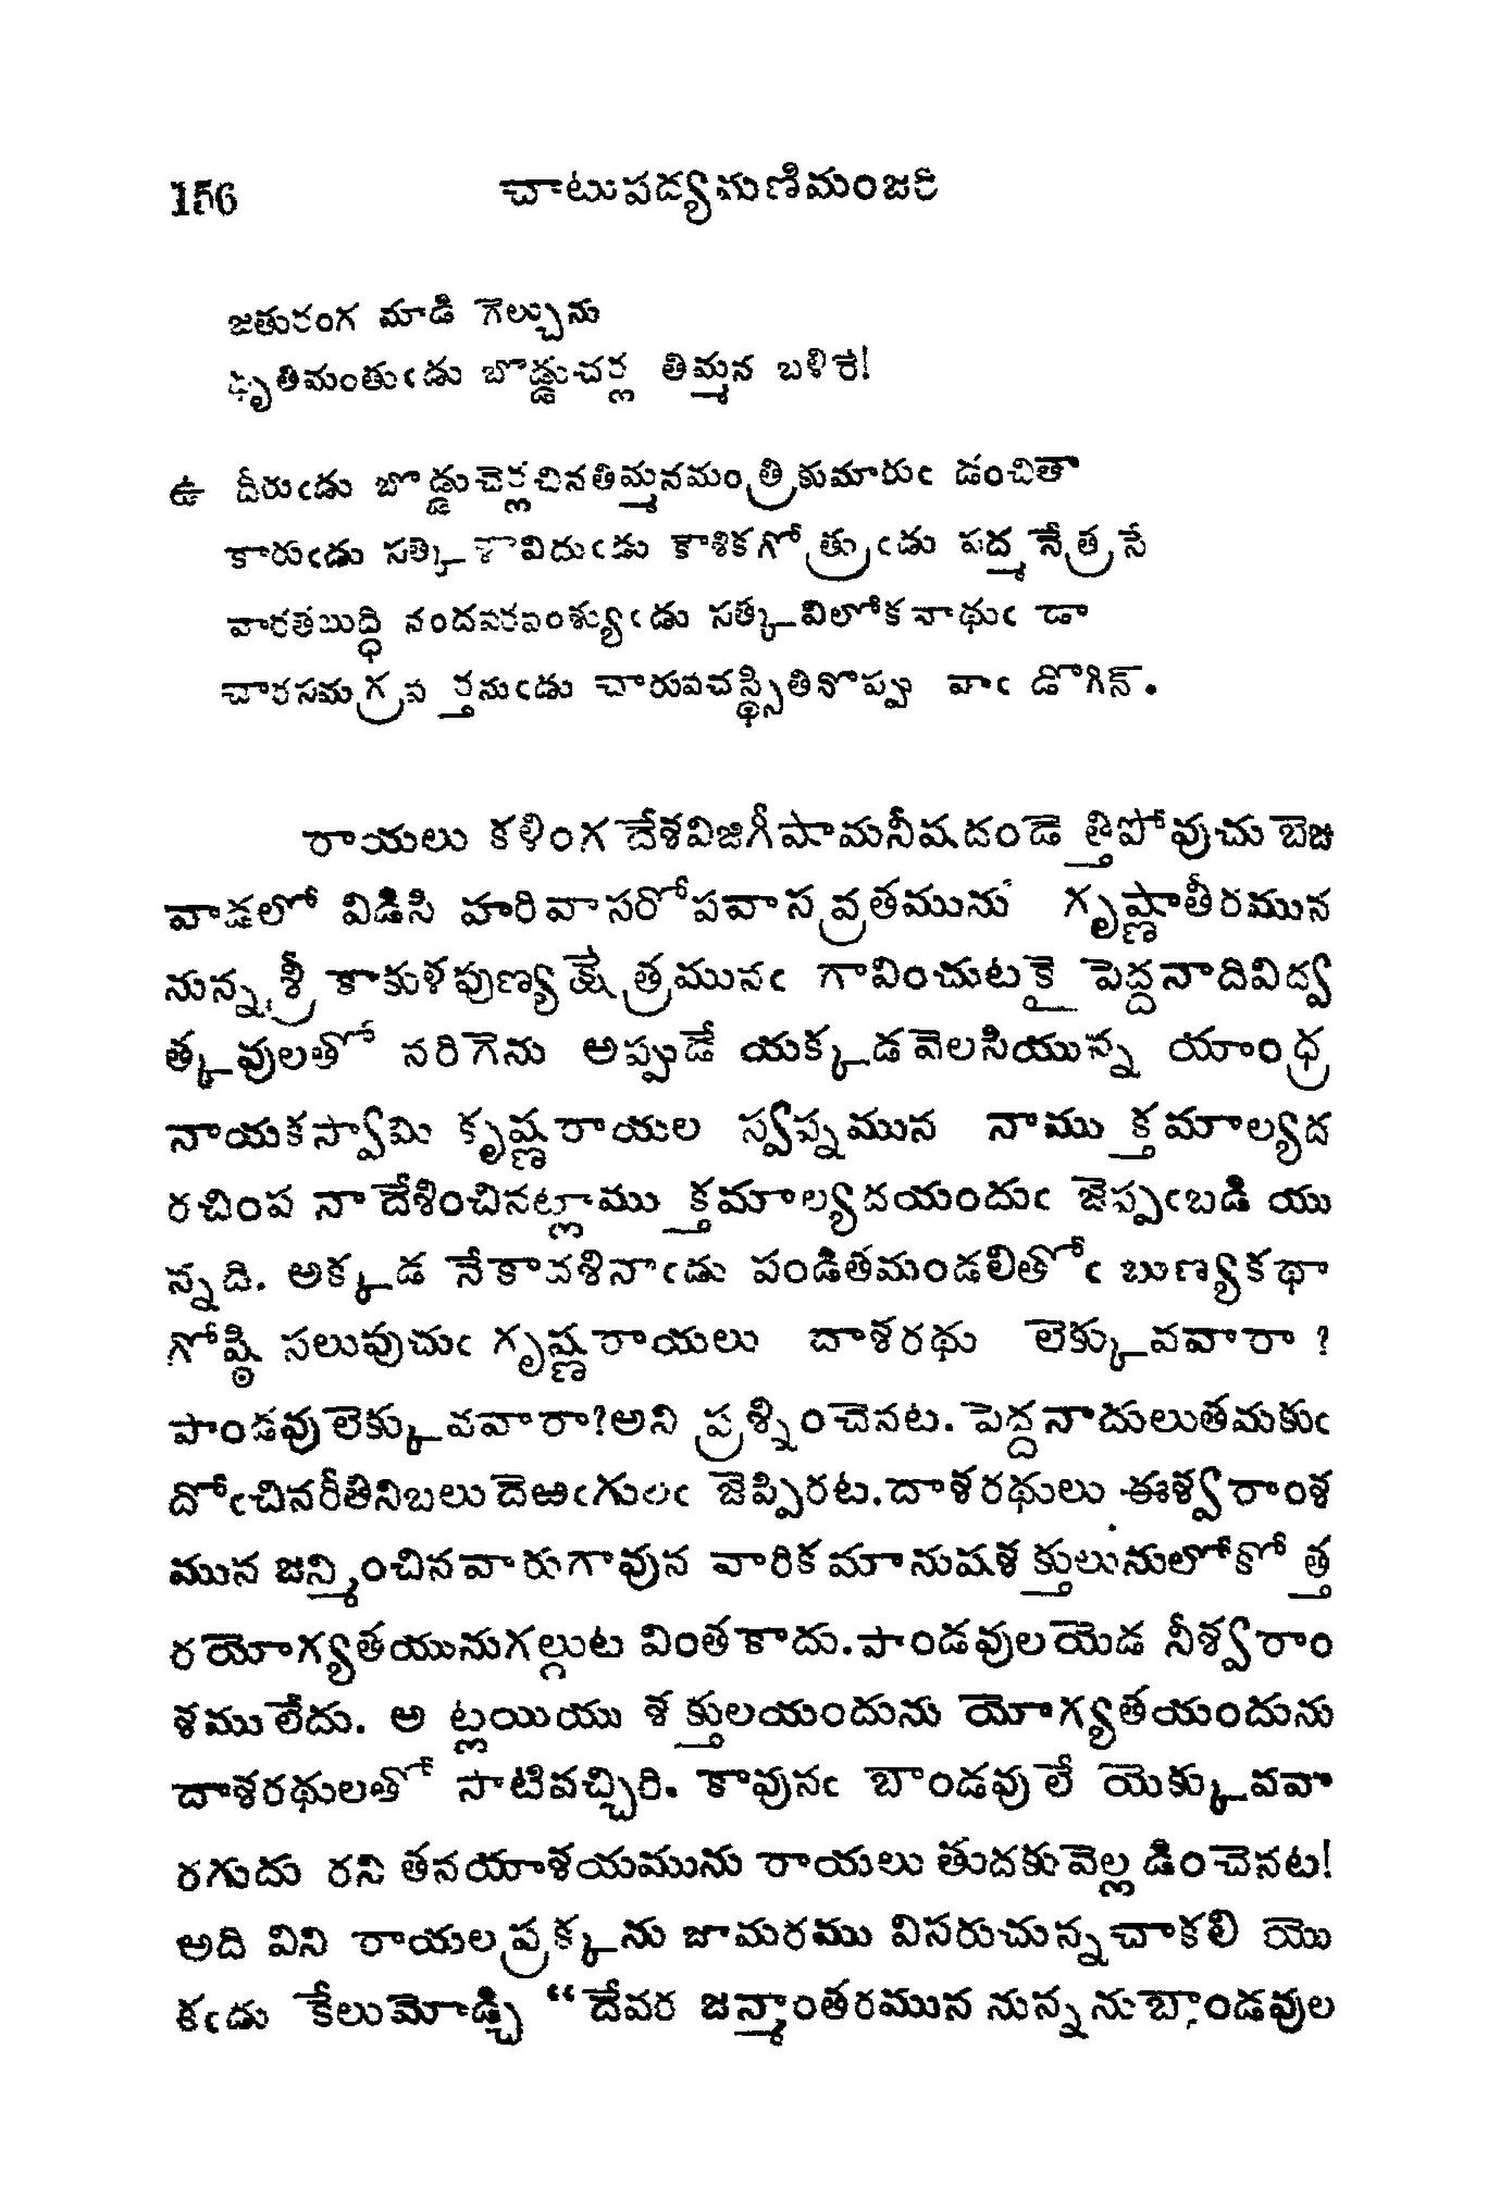జతురంగ మాడి గెల్చును
 ధృతిమంతుఁడు బొడ్డుచెర్లతిమ్మన బళిరే!
ఉ. ధీరుఁడు బొడ్డుచెర్లచినతిమ్మనమంత్రికుమారుఁ డంచితా
 కారుఁడు సత్కళావిదుఁడు కౌశికగోత్రుఁడు పద్మనేత్రసే
 వారతబుద్ధి నందవరవంశ్యుఁడు సత్కవిలోకనాథుఁడా
 చారసమగ్రవర్తనుఁడు చారువచస్స్థితి నొప్పువాఁ డొగిన్.
రాయలు కళింగదేశవిజిగీషామనీష దండెత్తిపోవుచు బెజవాడలో విడిసి హరివాసరోపవాసవ్రతమును గృష్ణాతీరమున నున్న శ్రీకాకుళపుణ్యక్షేత్రమునఁ గావించుటకై పెద్దనాదివిద్వత్కవులతో నరిగెను. అప్పుడే యక్కడ వెలసియున్న యాంధ్రనాయకస్వామి కృష్ణరాయల స్వప్నమున నాముక్తమాల్యద రచింప నాదేశించిన ట్లాముక్తమాల్యదయందుఁ జెప్పఁబడి యున్నది. అక్కడ నేకాదశినాఁడు పండితమండలితోఁ బుణ్యకథాగోష్ఠి సలుపుచుఁ గృష్ణరాయలు దాశరథు లెక్కువవారా? పాండవు లెక్కువవారా? యని ప్రశ్నించెనట. పెద్దనాదులు తమకుఁ దోఁచినరీతిని బలుదెఱఁగులఁ జెప్పిరట. దాశరథులు ఈశ్వరాంశమున జన్మించినవారుగావున వారి కమానుషశక్తులును లోకోత్తరయోగ్యతయును గల్గుట వింతకాదు. పాండవులయెడ నీశ్వరాంశములేదు. అట్లయ్యు శక్తులయందును యోగ్యతయందును దాశరథులతో సాటివచ్చిరి. కావునఁ బాండవులే యెక్కువవా రగుదురని తనయాశయమును రాయలు తుదకు వెల్లడించెనట! అది విని రాయలప్రక్కను జామరము విసరుచున్న చాకలియొకఁడు కేలుమోడ్చి “దేవర జన్మాంతరమున నున్నను బాండవుల